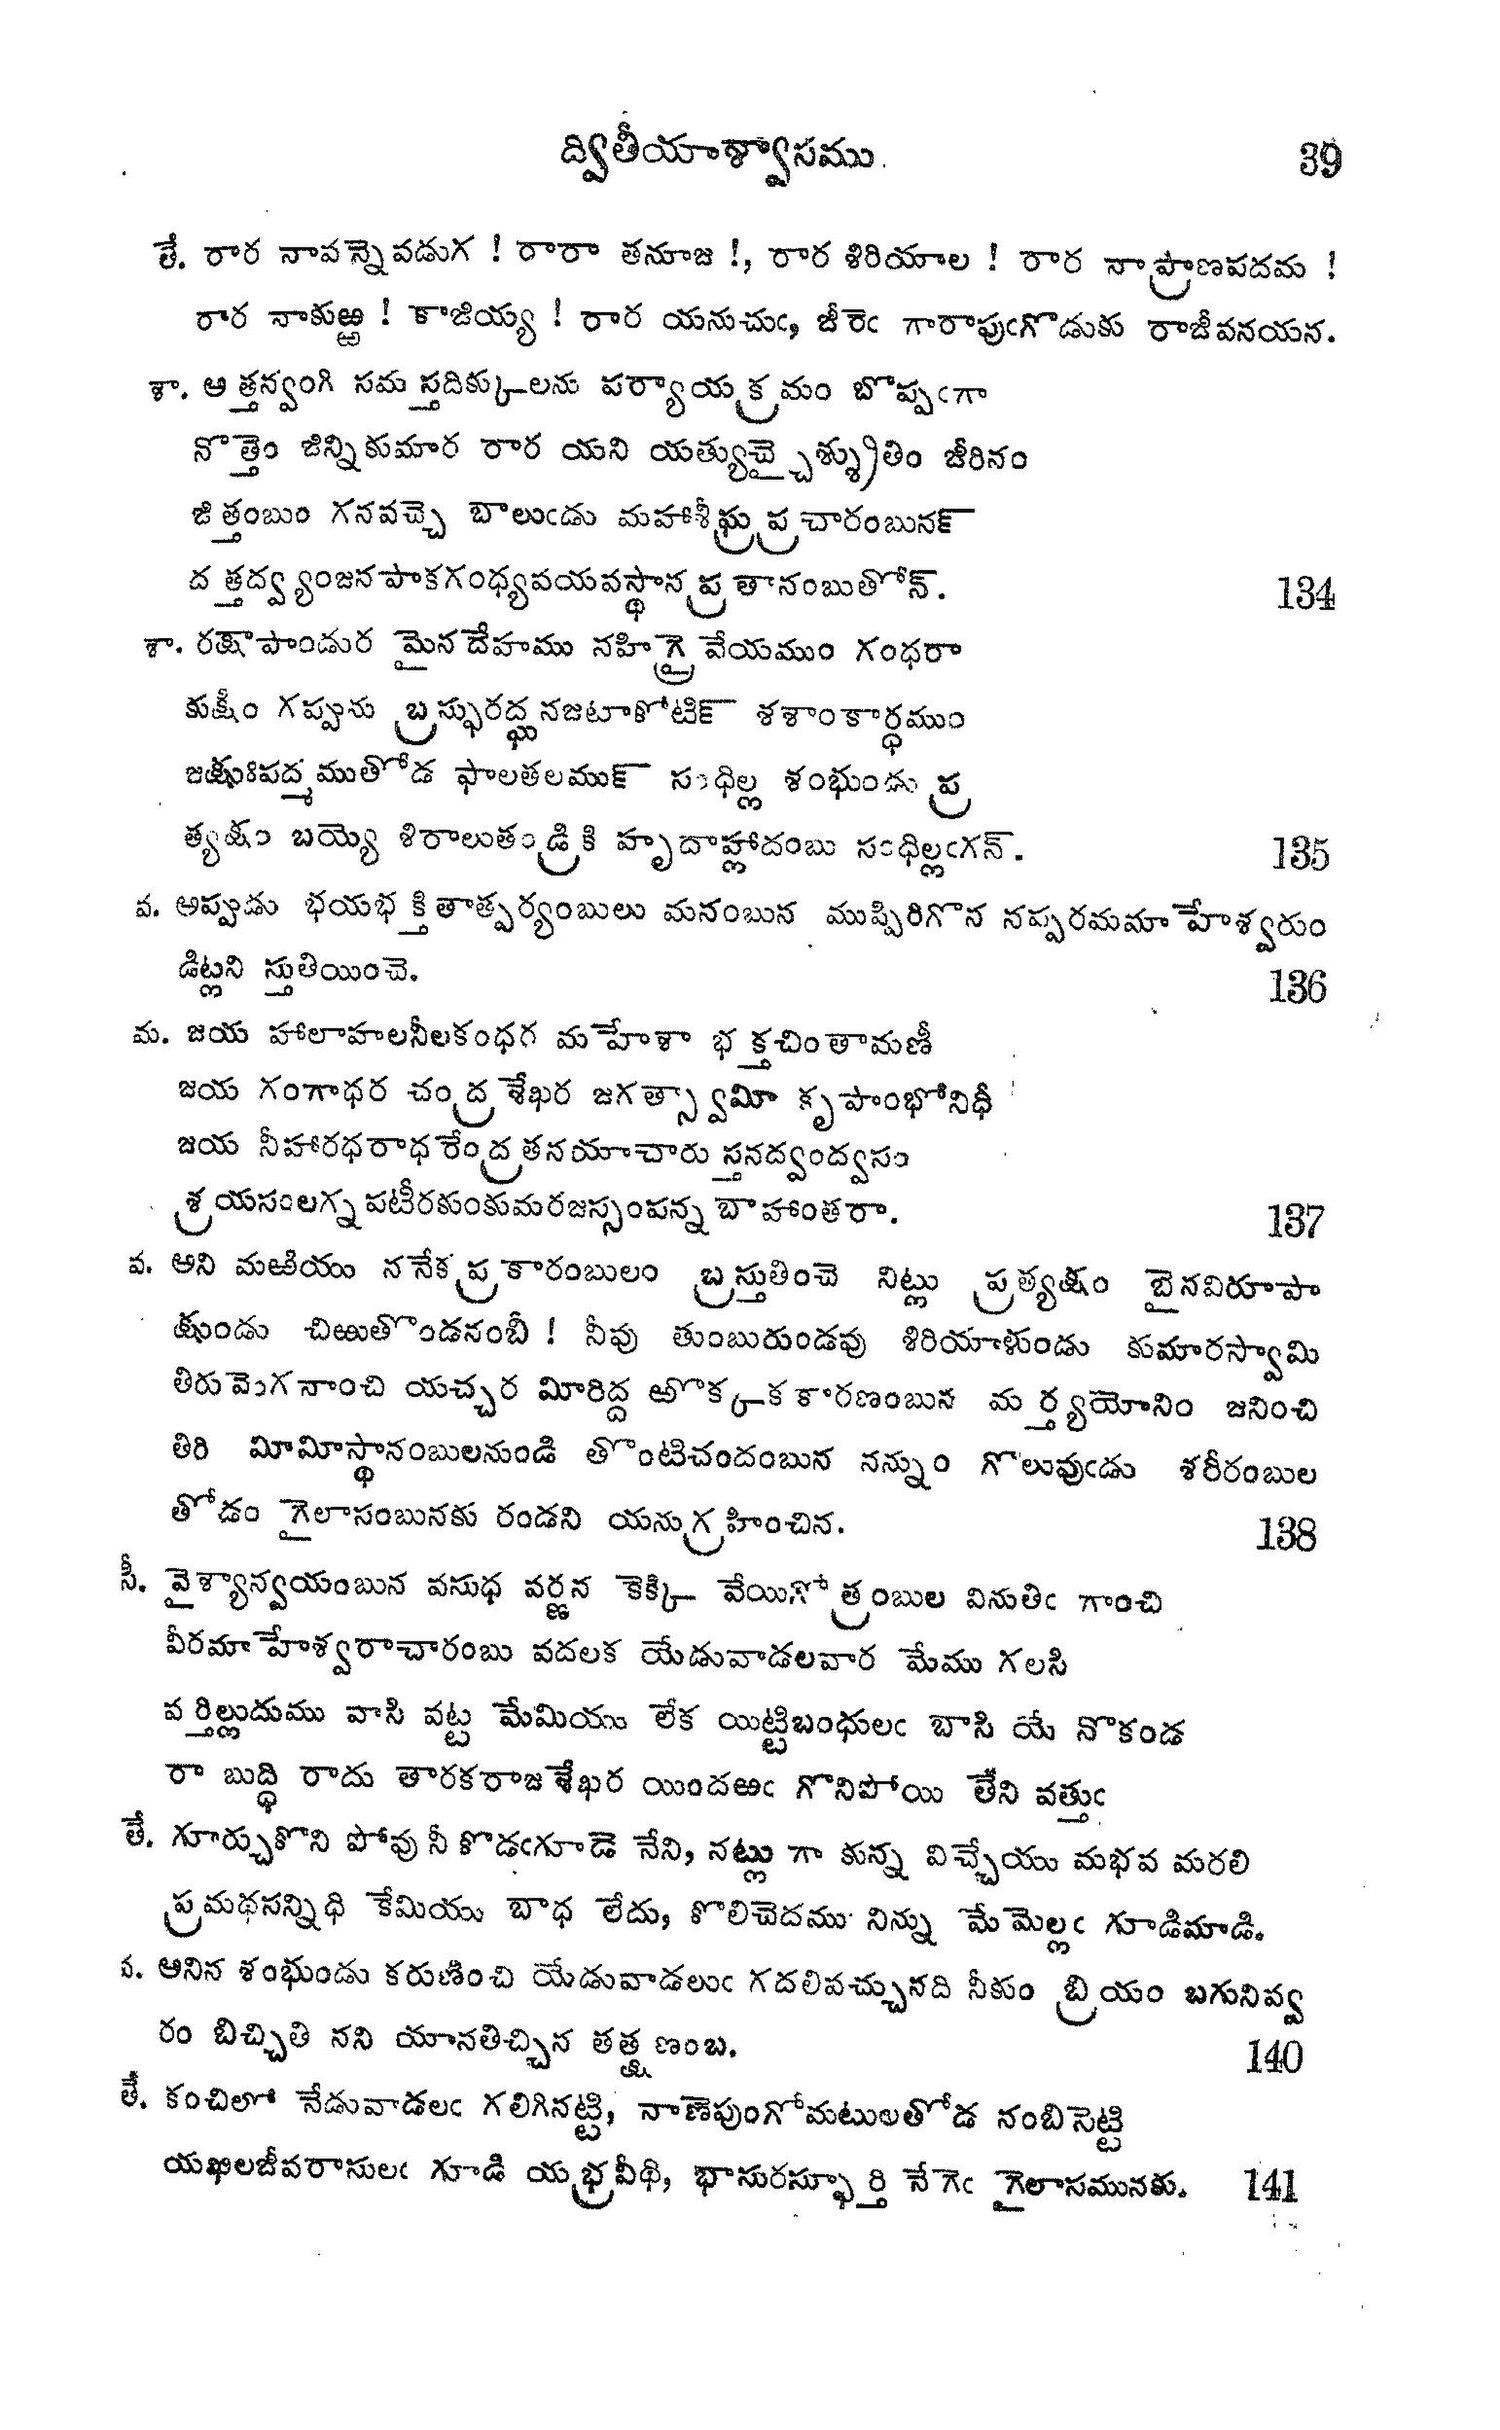తే. రార నావన్నెవడుగ! రారా తనూజ!, రార శిరియాల! రార నా ప్రాణపదమ!
రార నాకుఱ్ఱ! కాజియ్య! రార యనుచుఁ, జీరెఁ గారాపుఁగొడుకు రాజీవనయన. 133

శా. ఆ త్తన్వంగి సమస్తదిక్కులను పర్యాయ క్రమం బొప్పఁగా
నొత్తెం జిన్నికుమార రార యని యత్యుచ్చైశ్రుతిం జీరినం
జిత్తంబుం గనవచ్చె బాలుఁడు మహాశీఘ్రప్రచారంబునన్
దత్తద్వ్యంజనపాకగంధ్యవయవస్థానప్రతానంబుతోన్. 134

శా. రక్షాపాండుర మైనదేహము నహిగ్రైవేయముం గంధరా
కుక్షిం గప్పును బ్రస్ఫురద్ఘనజటాకోటిన్ శశాంకార్ధముం
జక్షుఃపద్మముతోడ ఫాలతలమున్ సంధిల్ల శంభుండు ప్ర
త్యక్షం బయ్యె శిరాలుతండ్రికి హృదాహ్లాదంబు సంధిల్లఁగన్. 135

వ. అప్పుడు భయభక్తితాత్పర్యంబులు మనంబున ముప్పిరిగొన నప్పరమమాహేశ్వరుం డిట్లని స్తుతియించె. 136

మ. జయ హాలాహలనీలకంధర మహేశా భక్తచింతామణీ
జయగంగాధర చంద్రశేఖర జగత్స్వామీ కృపాంభోనిధీ
జయ నీహారధరాధరేంద్రతనయాచారుస్తనద్వంద్వసం
శ్రయసంలగ్నపటీరకుంకుమరజస్సంపన్నబాహాంతరా. 137

వ. అని మఱియు ననేకప్రకారంబులం బ్రస్తుతించె నిట్లు ప్రత్యక్షం బైనవిరూపాక్షుండు చిఱుతొండనంబీ! నీవు తుంబురుండవు శిరియాళుండు కుమారస్వామి తిరువెంగనాంచి యచ్చర మీరిద్ద ఱొక్కకకారణంబుస మర్త్యయోనిం జనించితిరి మీమీస్థానంబులనుండి తొంటిచందంబున నన్నుం గొలువుఁడు శరీరంబుల తోడం గైలాసంబునకు రండని యనుగ్రహించిన. 138

సీ. వైశ్యాన్వయంబున వసుధ వర్ణన కెక్కి వేయిగోత్రంబుల వినుతిఁ గాంచి
వీరమాహేశ్వరాచారంబు వదలక యేడువాడలవార మేము గలసి
వర్తిల్లుదుము వాసి వట్ట మేమియు లేక యిట్టిబంధులఁ బాసి యే నొకండ
రా బుద్ది రాదు తారకరాజశేఖర యిందఱఁ గొనిపోయి తేని వత్తుఁ
తే. గూర్చుకొనిపోవు నీ కొడఁగూడెనేని, నట్లు గాకున్న విచ్చేయు మభవ మరలి
ప్రమథసన్నిధి కేమియు బాధ లేదు, కొలిచెదము నిన్ను మే మెల్లఁ గూడిమాడి. 139

వ. అనిన శంభుండు కరుణించి యేడువాడలుఁ గదలివచ్చునది నీకుం బ్రియం బగునివ్వరం బిచ్చితి నని యానతిచ్చిన తత్క్షణంబ. 140

తే. కంచిలో నేడువాడలఁ గలిగినట్టి, నాణెపుంగోమటులతోడ నంబిసెట్టి
యఖలజీవరాసులఁ గూడి యభ్రవీథి, భాసురస్ఫూర్తి నేగెఁ గైలాసమునకు. 141